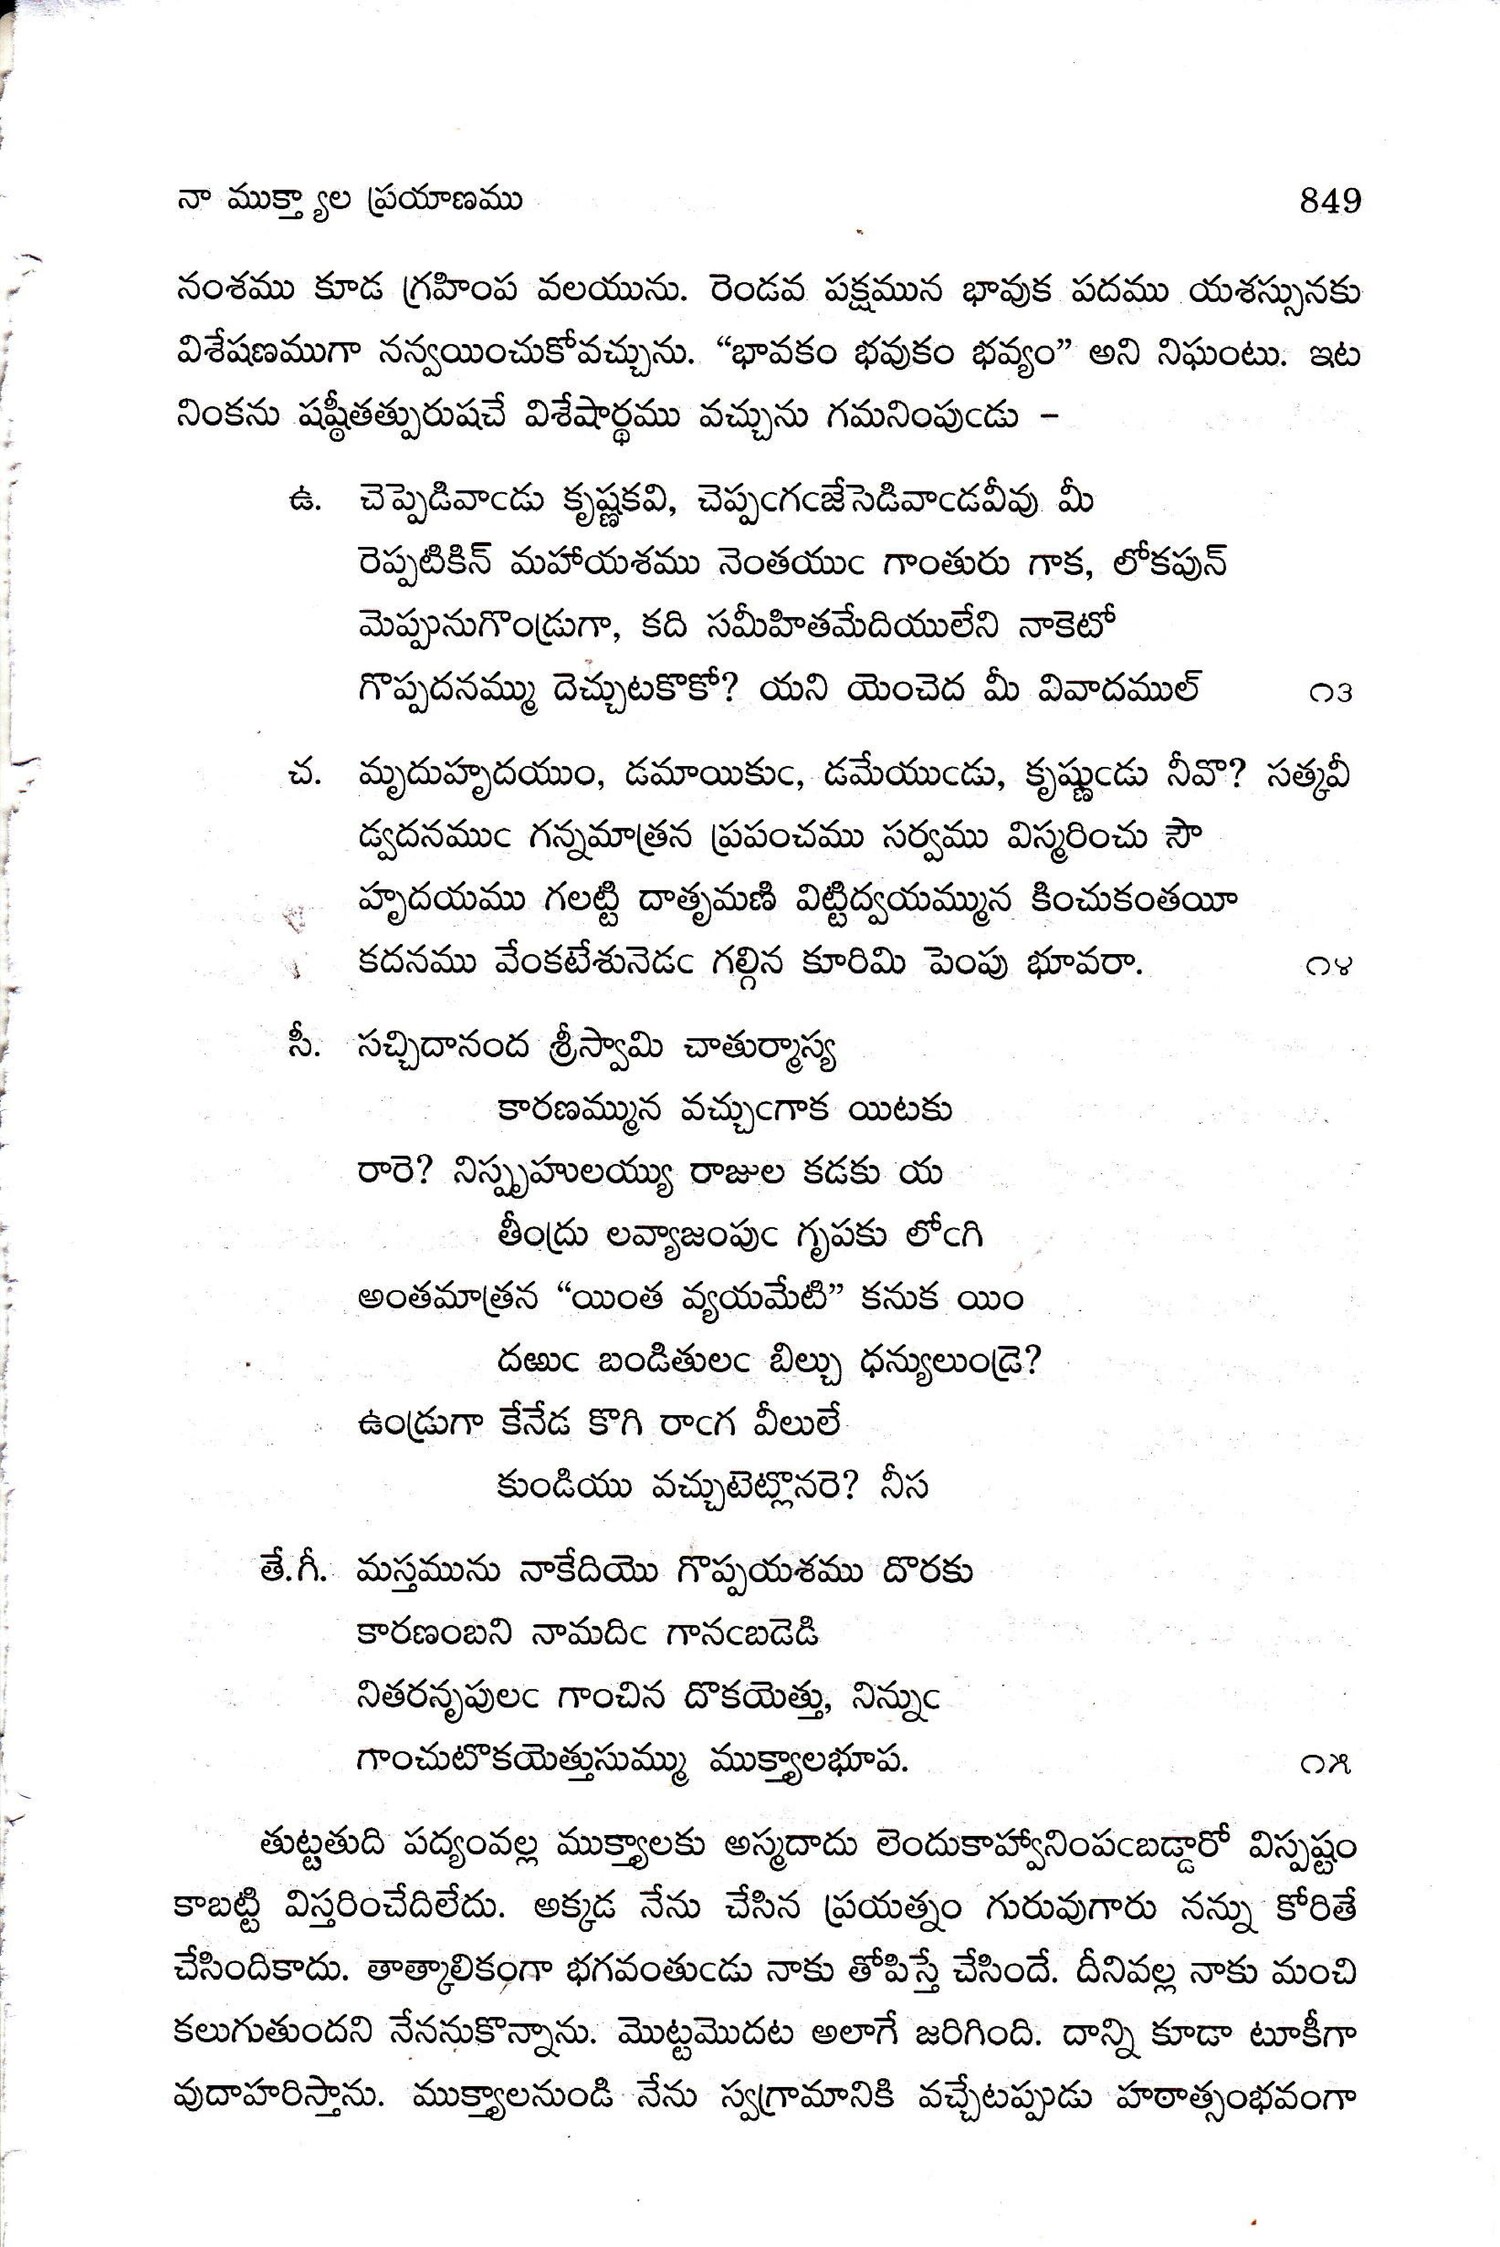నంశము కూడ గ్రహింప వలయును. రెండవ పక్షమున భావుక పదము యశస్సునకు విశేషణముగా నన్వయించుకోవచ్చును. “భావకం భవుకం భవ్యం" అని నిఘంటు. ఇట నింకను షష్ఠీతత్పురుషచే విశేషార్ధము వచ్చును గమనింపుఁడు -

ఉ. చెప్పెడివాఁడు కృష్ణకవి, చెప్పఁగఁజేసెడివాఁడవీవు మీ
 రెప్పటికిన్ మహాయశము నెంతయుc గాంతురు గాక, లోకపున్ 
 మెప్పునుగొండ్రుగా, కది సమీహితమేదియులేని నాకెటో 
 గొప్పదనమ్ము దెచ్చుటకొకో? యని యెంచెద మీ వివాదముల్ - 13

చ. మృదుహృదయం, డమాయికు, డమేయుఁడు, కృష్ణుఁడు నీవొ? సత్కవీ
 డ్వదనముఁ గన్నమాత్రన ప్రపంచము సర్వము విస్మరించు సౌ 
 హృదయము గలట్టి దాతృమణి విట్టిద్వయమ్మున కించుకంతయీ 
 కదనము వేంకటేశునెడఁ గల్గిన కూరిమి పెంపు భూవరా. - 14

సీ. సచ్చిదానంద శ్రీస్వామి చాతుర్మాస్య
 కారణమ్మున వచ్చుఁగాక యిటకు
 రారె? నిస్పృహులయ్యు రాజుల కడకు య
 తీంద్రు లవ్యాజంపుఁ గృపకు లోఁగి
 అంతమాత్రన “యింత వ్యయమేటి" కనుక యిం
 దఱుఁ బండితులఁ బిల్చు ధన్యులుండ్రె?
 ఉండ్రుగా కేనేడ కొగి రాఁగ వీలులే
 కుండియు వచ్చుటెట్లొనరె? నీస

తే.గీ. మస్తమును నాకేదియొ గొప్పయశము దొరకు
 కారణంబని నామదిఁ గానఁబడెడి 
 నితరనృపులఁ గాంచిన దొకయెత్తు, నిన్నుఁ 
 గాంచుటొకయెత్తుసుమ్ము ముక్త్యాలభూప. - 15
తుట్టతుది పద్యంవల్ల ముక్త్యాలకు అస్మదాదు లెందుకాహ్వానింపఁబడ్డారో విస్పష్టం కాబట్టి విస్తరించేదిలేదు. అక్కడ నేను చేసిన ప్రయత్నం గురువుగారు నన్ను కోరితే చేసిందికాదు. తాత్కాలికంగా భగవంతుఁడు నాకు తోపిస్తే చేసిందే. దీనివల్ల నాకు మంచి కలుగుతుందని నేననుకొన్నాను. మొట్టమొదట అలాగే జరిగింది. దాన్ని కూడా టూకీగా వుదాహరిస్తాను. ముక్త్యాలనుండి నేను స్వగ్రామానికి వచ్చేటప్పుడు హఠాత్సంభవంగా